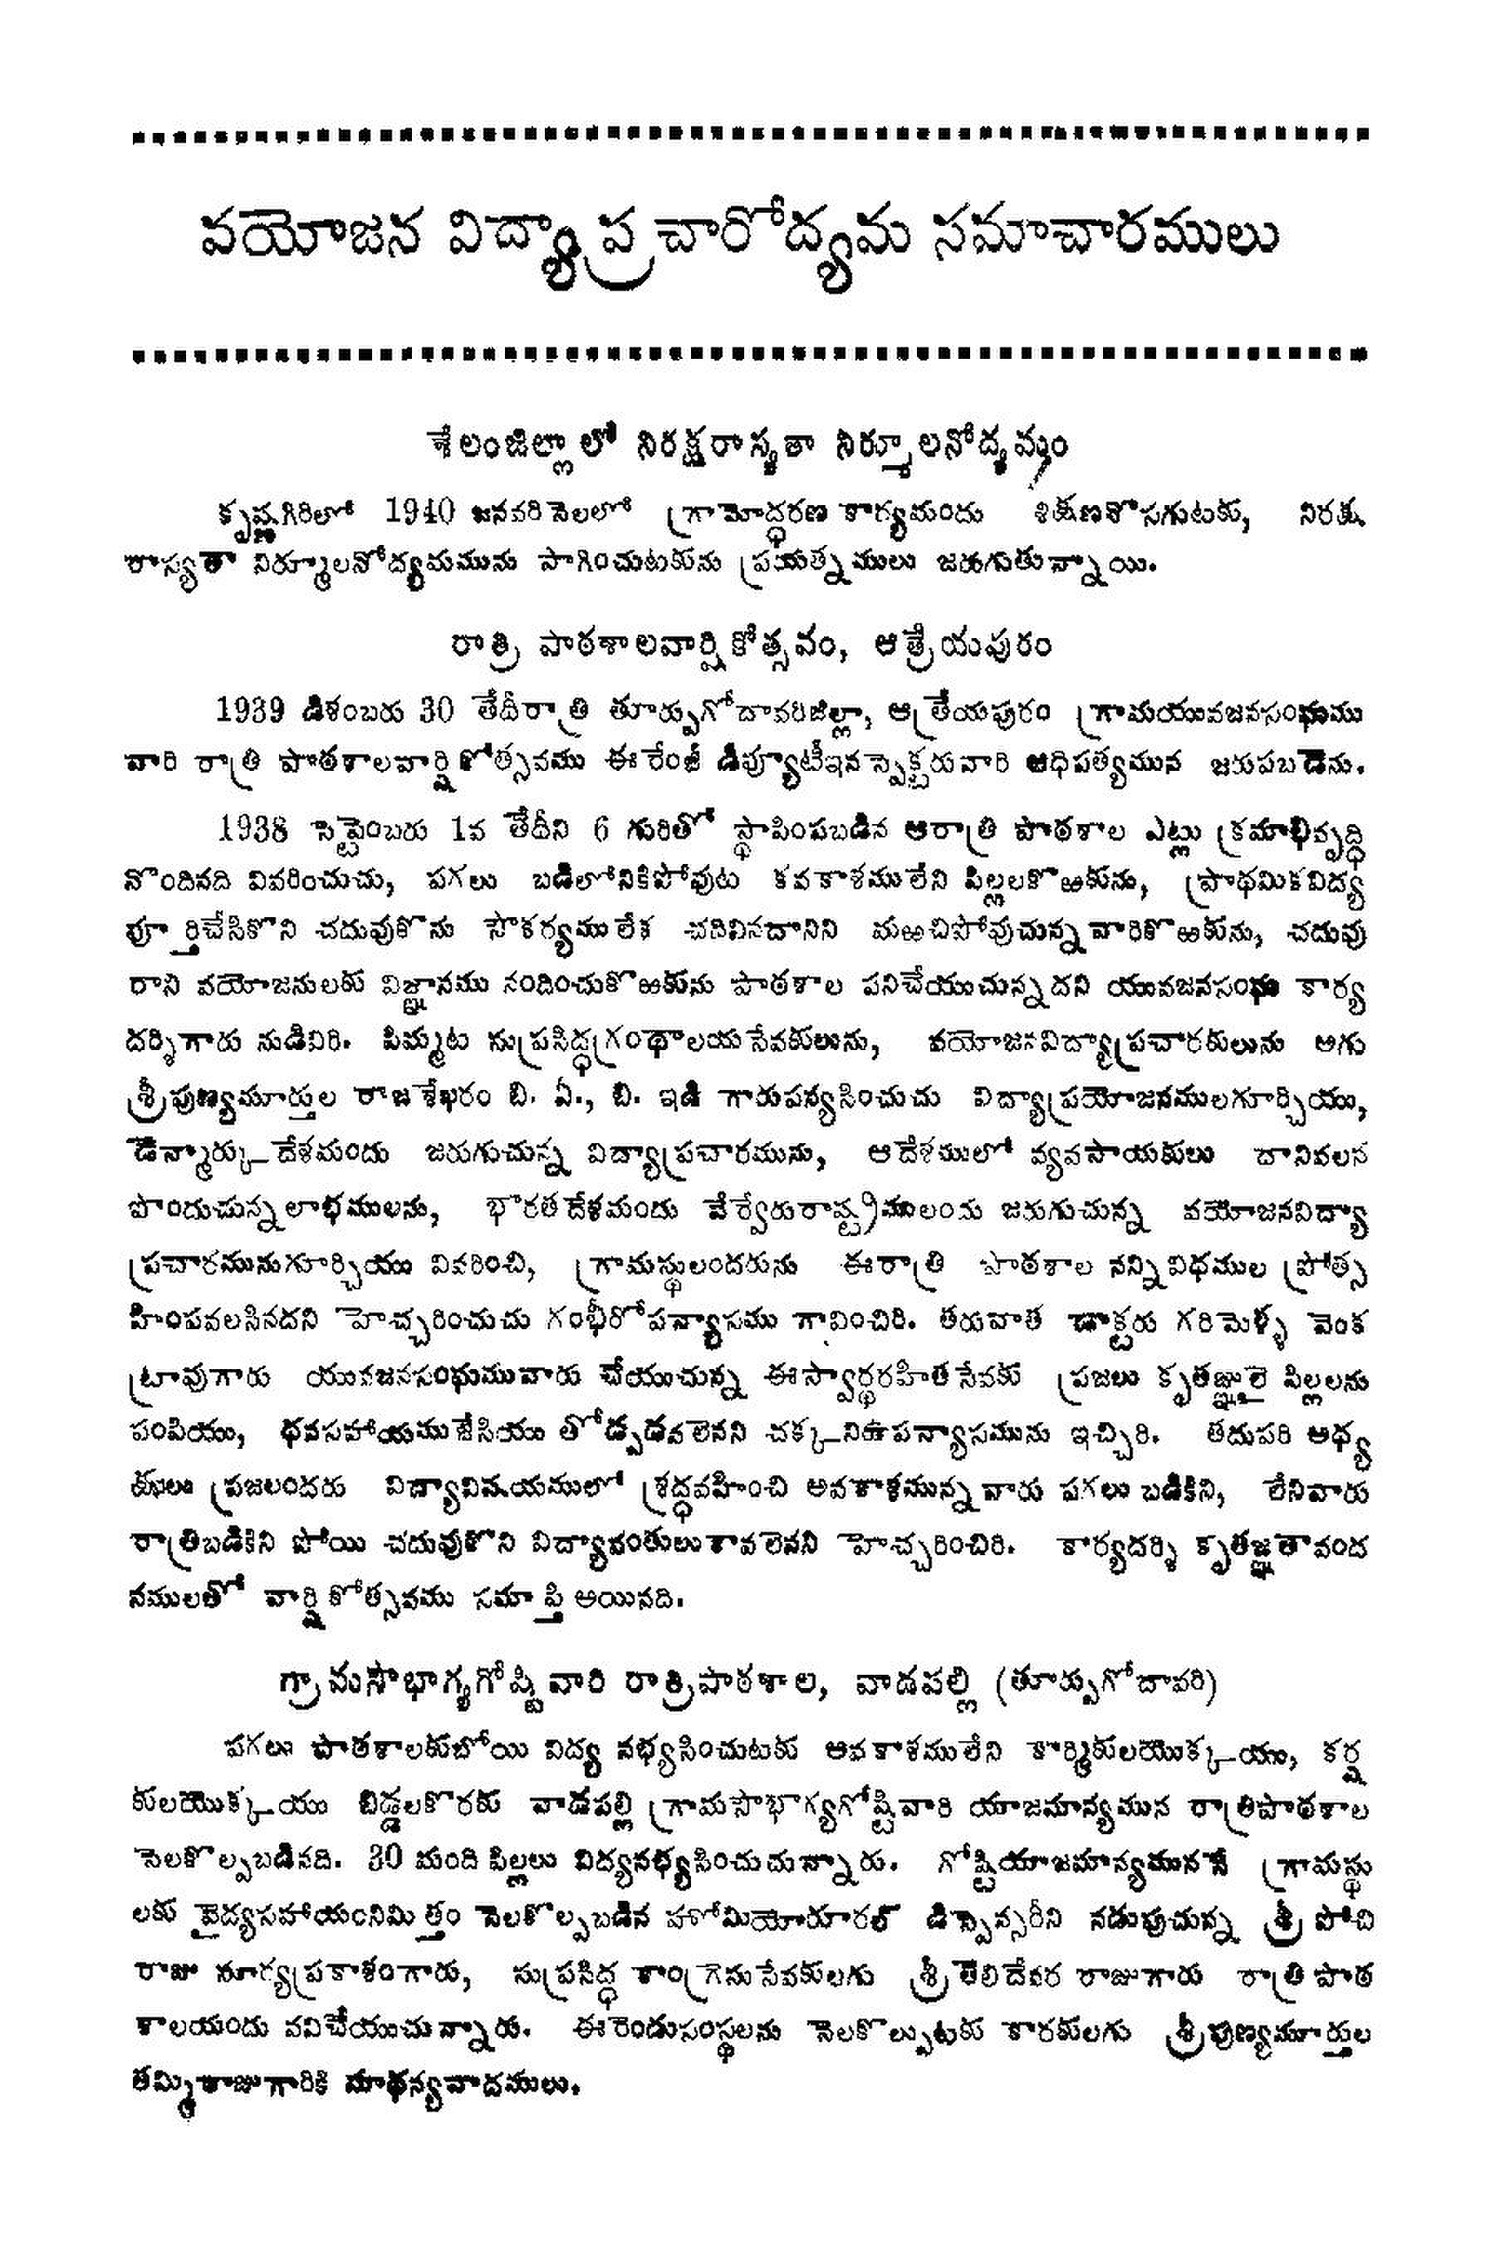కృష్ణగిరిలో 1940 జనవరి నెలలో గ్రామోద్ధరణ కార్యమందు శిక్షణకోసగుటకు, నిరక్షరాస్యతా నిర్మూలనోద్యమమును సాగించుటకును ప్రయత్నములు జరుగుతున్నాయి.

1939 డిశంబరు 30 తేదీ రాత్రి తూర్పుగోదావరిజిల్లా, ఆత్రేయపురం గ్రామ యువజన సంఘము వారి రాత్రి పాఠశాల వార్షికోత్సవము 
ఈ రేంజీ డిప్యూటీ ఇనస్పెక్టరు వారి ఆధిపత్యమున జరుపబడెను.

1938 సెప్టెంబరు 1వ తేదీని 6 గురితో స్థాపింపబడిన ఆరాత్రి పాఠశాల ఎట్లు క్రమాభివృద్ధి నొందినది వివరించుచు, పగలు 
బడిలోనికిపోవుట కవకాశము లేని పిల్లల కొఱకును, ప్రాథమిక విద్య పూర్తిచేసికొని చదువుకొను సౌకర్యము లేక చదివినదానిని మఱచిపోవుచున్న వారికొఱకును, చదువురాని వయోజనులకు విజ్ఞానము నందించుకొఱకును పాఠశాల పనిచేయుచున్నదని 
యువజనసంఘ కార్యదర్శిగారు నుడివిరి. పిమ్మట సుప్రసిద్ధ గ్రంథాలయ సేవకులును, వయోజన విద్యాప్రచారకులును అగు
శ్రీ పుణ్యమూర్తుల రాజశేఖరం బి. ఏ., బి. ఇడి గారుపన్యసించుచు విద్యాప్రయోజనముల గూర్చియు, డెన్మార్కు దేశమందు 
జరుగుచున్న విద్యాప్రచారమును, ఆదేశములో వ్యవసాయకులు దానివలన పొందుచున్న లాభములను, భారతదేశమందు 
వేర్వేరు రాష్ట్రములంను జరుగుచున్న వయోజనవిద్యా ప్రచారమునుగూర్చియు వివరించి, గ్రామస్థులందరును ఈ రాత్రి పాఠశాల 
నన్ని విధముల ప్రోత్సహింపవలసినదని హెచ్చరించుచు గంభీరోపన్యాసము గావించిరి. తరువాత డాక్టరు గరిమెళ్ళ 
వెంకట్రావుగారు యువజన సంఘము వారు చేయుచున్న ఈ స్వార్ధరహిత సేవకు ప్రజలు కృతజ్ఞులై పిల్లలను పంపియు, 
ధవసహాయము జేసియు తోడ్పడవలెనని చక్కని ఉపన్యాసమును ఇచ్చిరి. తదుపరి అధ్యక్షితులు ప్రజలందరు 
విద్యావిషయములో శ్రద్ధవహించి అవకాశమున్న వారు పగలు బడికిని, లేనివారు రాత్రిబడికిని పోయి చదువుకొని విద్యావంతులు 
కావలెనని హెచ్చరించిరి. కార్యదర్శి కృతజ్ఞతా వందనములతో వార్షి కోత్సవము సమాప్తి అయినది.

పగలు పాఠశాలకుబోయి విద్య నభ్యసించుటకు అవకాశము లేని కార్మికులయొక్కయు, కర్షకులయొక్కయు బిడ్డలకొరకు వాడపల్లి గ్రామసౌభాగ్యగోష్టి వారి యాజమాన్యమున రాత్రిపాఠశాల నెలకొల్పబడినది. 30 మంది పిల్లలు విద్యనభ్యసించుచున్నారు. గోష్టియాజమాన్యముననే గ్రామస్థులకు వైద్యసహాయంనిమిత్తం నెలకొల్పబడిన హోమియోరూరల్ డిస్పెన్సరీని నడుపుచున్న 
శ్రీ పోచిరాజు సూర్యప్రకాశంగారు, సుప్రసిద్ధ కాంగ్రెసుసేవకులగు శ్రీ తెలిదేవర రాజుగారు రాత్రి పాఠశాలయందు పని 
చేయుచున్నారు. ఈ రెండు సంస్థలను నెలకొల్పుటకు కారకులగు శ్రీ పుణ్యమూర్తుల తమ్మిరాజుగారికి మాధన్యవాదములు.